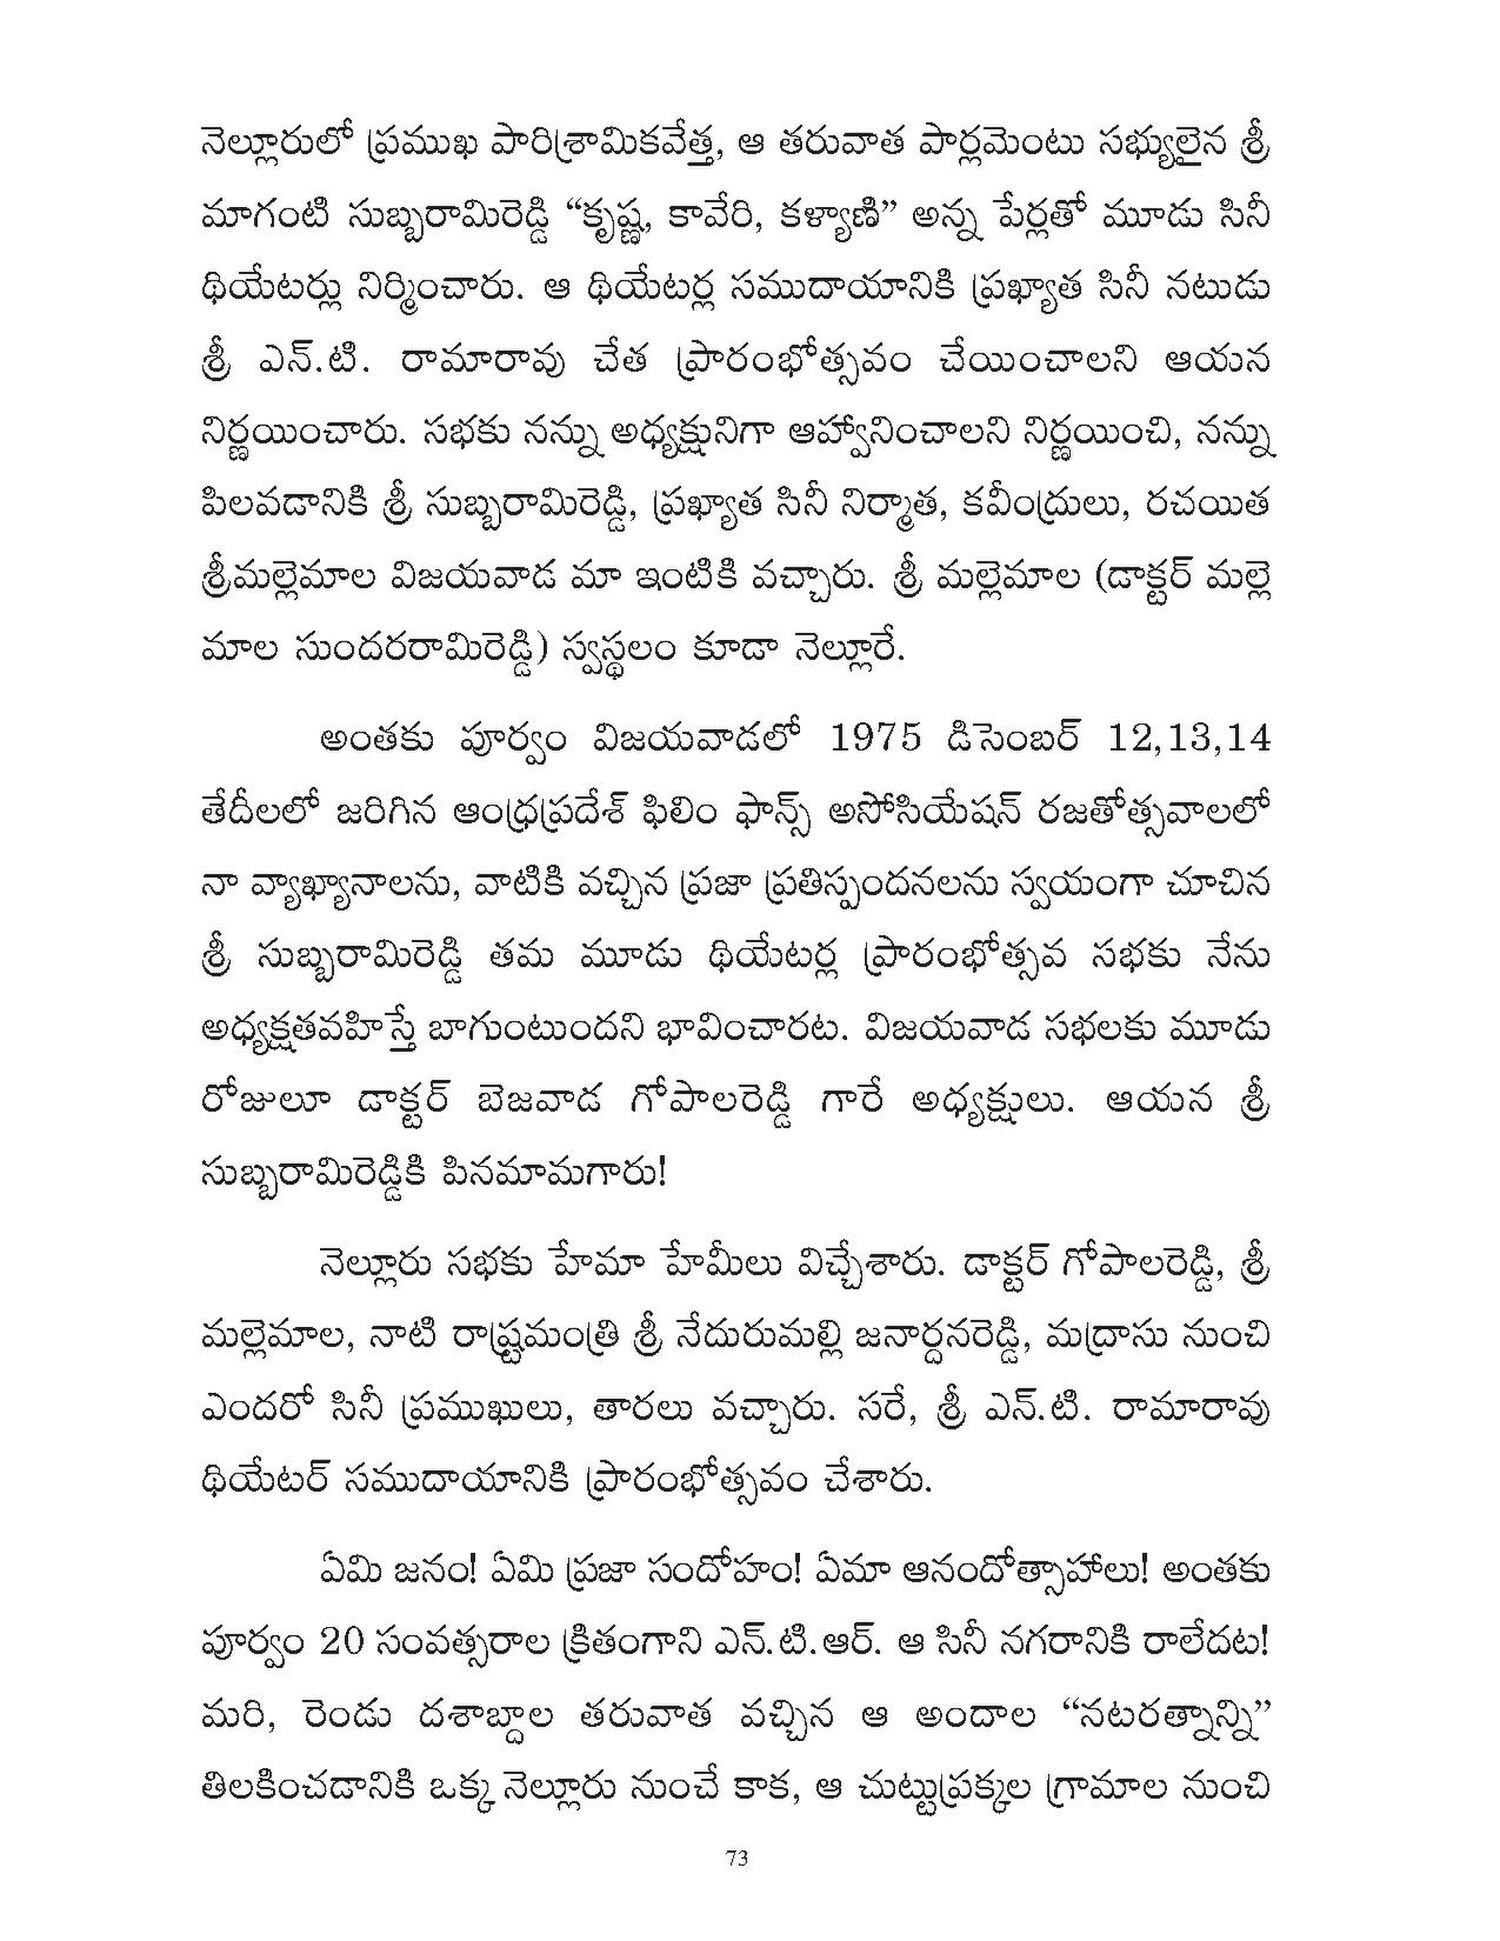నెల్లూరులో ప్రముఖ పారిశ్రామికవేత్త, ఆ తరువాత పార్లమెంటు సభ్యులైన శ్రీ
మాగంటి సుబ్బరామిరెడ్డి "కృష్ణ, కావేరి, కళ్యాణి" అన్న పేర్లతో మూడు సినీ
థియేటర్లు నిర్మించారు. ఆ థియేటర్ల సముదాయానికి ప్రఖ్యాత సినీ నటుడు
శ్రీ ఎన్‌.టి. రామారావు చేత ప్రారంభోత్సవం చేయించాలని ఆయన
నిర్ణయించారు. సభకు నన్ను అధ్యక్షునిగా ఆహ్వానించాలని నిర్ణయించి, నన్ను
పిలవడానికి శ్రీ సుబ్బరామిరెడ్డి, ప్రఖ్యాత సినీ నిర్మాత, కవీంద్రులు, రచయిత
శ్రీమల్లెమాల విజయవాడ మా ఇంటికి వచ్చారు. శ్రీ మల్లెమాల (డాక్టర్ మల్లె
మాల సుందరరామిరెడ్డి) స్వస్థలం కూడా నెల్లూరే.

అంతకు పూర్వం విజయవాడలో 1975 డిసెంబర్‌ 12,13,14
తేదీలలో జరిగిన ఆంధ్రప్రదేశ్‌ ఫిలిం ఫాన్స్‌ అసోసియేషన్‌ రజతోత్సవాలలో
నా వ్యాఖ్యానాలను, వాటికి వచ్చిన ప్రజా ప్రతిస్పందనలను స్వయంగా చూచిన
శ్రీ సుబ్బరామిరెడ్డి తమ మూడు థియేటర్ల ప్రారంభోత్సవ సభకు నేను
అధ్యక్షతవహిస్తే బాగుంటుందని భావించారట. విజయవాడ సభలకు మూడు
రోజులూ డాక్టర్ బెజవాడ గోపాలరెడ్డి గారే అధ్యక్షులు. ఆయన శ్రీ
సుబ్బరామిరెడ్డికి పినమామగారు!

నెల్లూరు సభకు హేమా హేమీలు విచ్చేశారు. డాక్టర్ గోపాలరెడ్డి, శ్రీ
మల్లెమాల, నాటి రాష్ట్రమంత్రి శ్రీ నేదురుమల్లి జనార్దనరెడ్డి, మద్రాసు నుంచి
ఎందరో సినీ ప్రముఖులు, తారలు వచ్చారు. సరే, శ్రీ ఎన్‌.టి. రామారావు
థియేటర్‌ సముదాయానికి ప్రారంభోత్సవం చేశారు.

ఏమి జనం! ఏమి ప్రజా సందోహం! ఏమా ఆనందోత్సాహాలు! అంతకు
పూర్వం 20 సంవత్సరాల క్రితంగాని ఎన్‌.టి.ఆర్‌. ఆ సినీ నగరానికి రాలేదట!
మరి, రెండు దశాబ్దాల తరువాత వచ్చిన ఆ అందాల "నటరత్నాన్ని"
తిలకించడానికి ఒక్క నెల్లూరు నుంచే కాక, ఆ చుట్టుప్రక్కల గ్రామాల నుంచి